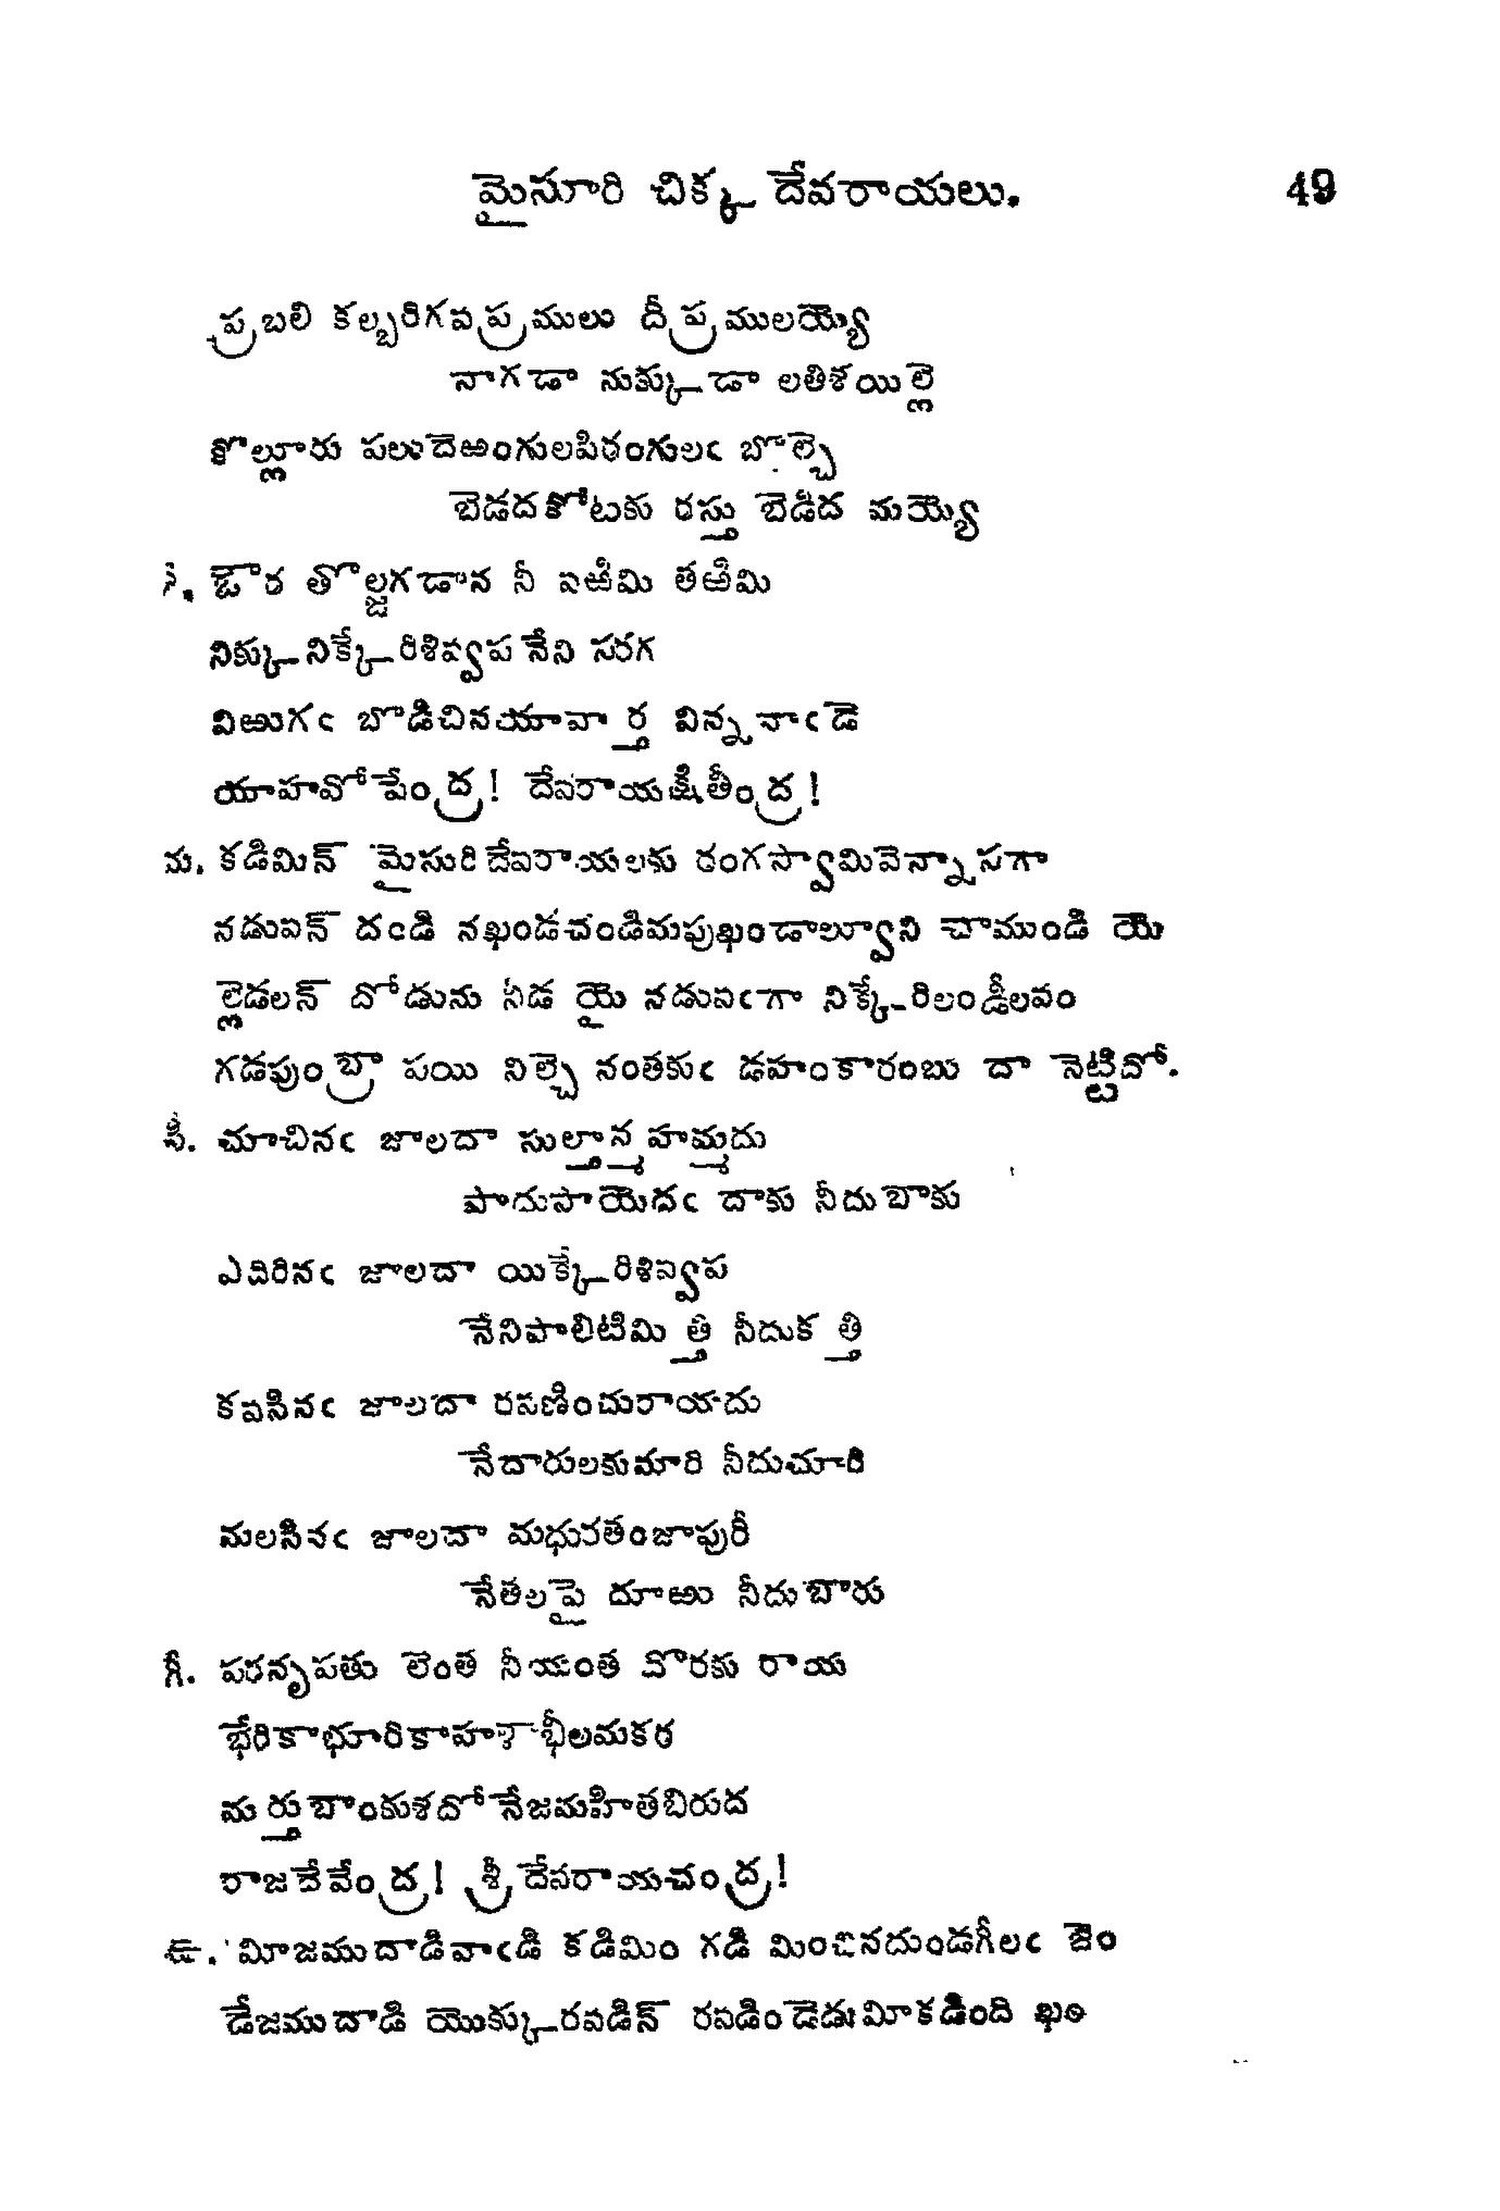ప్రబలి కల్బరిగవప్రములు దీవ్రము లయ్యె
 నాగడా నుక్కుడా లతిశయిల్లె
 కొల్లూరు పలుదెఱంగులఫిరంగులఁ బొల్చె
 బెడదకోటకు రస్తు బెడిద మయ్యె
గీ. ఔర తొల్జగడాన వఱిమి తఱిమి
 నిక్కునిక్కేరిశివ్వపనేని సరగ
 విఱుగఁ బొడిచిన యావార్త విన్ననాఁడె
 యాహవోపేంద్ర! దేవరాయక్షితేంద్ర!
మ. కడిమిన్ మైసురిదేవరాయలకు రంగస్వామి వెన్నాసగా
 నడువన్ దండి నఖండచండిమఖండాల్వూని చాముండి యె
 ల్లెడలన్ దోడును నీడ యై నడువఁగా నిక్కేరిలండీలవం
 గడపుం బ్రా పయి నిల్చె నంతకుఁ డహంకారంబు దా నెట్టిదో.
సీ. చూచినఁ జాలదా సుల్తాన్మహమ్మదు
 పాదుసాయెదఁ దాకు నీదుబాకు
 ఎదిరినఁ జాలదా యిక్కేరిశివ్వప
 నేనిపాలిటిమిత్తి నీదుకత్తి
 కవసినఁ జాలదా రవణించురాయదు
 నేదారులకుమారి నీదుచూరి
 మలసినఁ జాలదా మథురతంజాపురీ
 నేతలపై దూరు నీదుబారు
గీ. పరనృపతు లెంత నీయంత దొరకు రాయ
 భేరికాభూరికాహళాభీలమకర
 మర్తు బాంకుశదోనేజమహితబిరుద
 రాజదేవేంద్ర! శ్రీదేవరాయచంద్ర!
ఉ. మీజముదాడివాఁడి కడిమిం గడి మించినదుండగీలఁ జెం
 డేజముదాడి యొక్కురవడిన్ రవడిండెడుమీకడింది ఖం